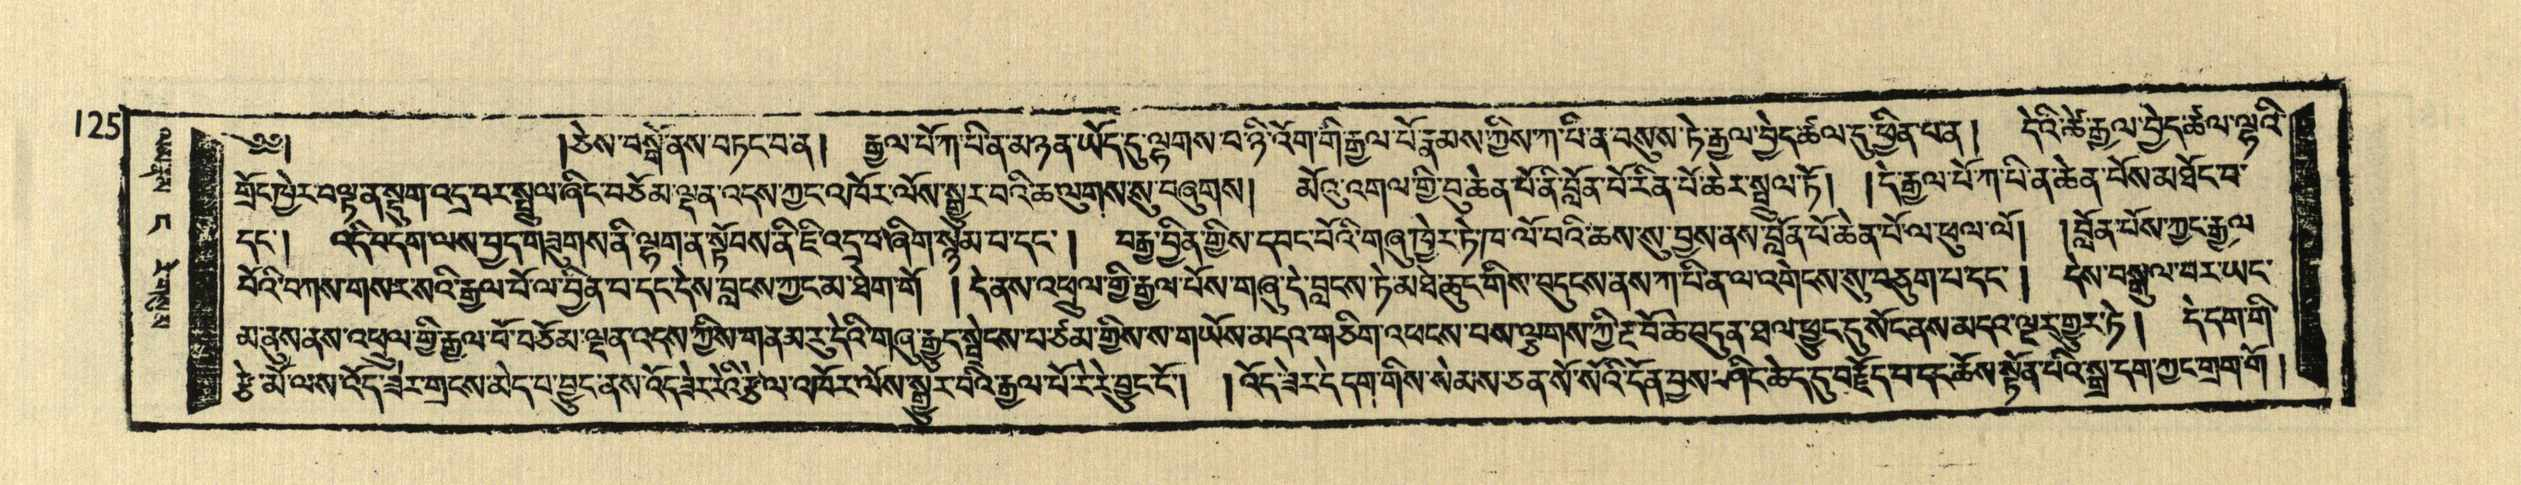༄༅། །ཅེས་བསྒོ་ནས་བཏང་བ་ན། རྒྱལ་པོ་ཀ་པི་ན་མཉན་ཡོད་དུ་ལྷགས་བ་ཉི་འོག་གི་རྒྱལ་པོ་རྣམས་ཀྱིས་ཀ་པི་ན་བསུས་ཏེ་རྒྱལ་བྱེད་ཚལ་དུ་ཕྱིན་པ་ན། དེའི་ཚེ་རྒྱལ་བྱེད་ཚལ་ལྷའི་
གྲོང་ཁྱེར་བལྟ་ན་སྡུག་འདྲ་བར་སྤྲུལ་ཞིང་བཅོམ་ལྡན་འདས་ཀྱང་འཁོར་ལོས་སྒྱུར་བའི་ཆ་ལུགས་སུ་བཞུགས། མོའུ་འགལ་གྱི་བུ་ཆེན་པོ་ནི་བློན་པོ་རིན་པོ་ཆེར་སྤྲུལ་ཏོ། །དེ་རྒྱལ་པོ་ཀ་པི་ན་ཆེན་པོས་མཐོང་བ་
དང་། འདི་བདག་ལས་བྱད་གཟུགས་ནི་ལྷག་ན་སྟོབས་ནི་ཇི་འདྲ་བ་ཞིག་སྙམ་པ་དང་། བརྒྱ་བྱིན་གྱིས་དབང་པོའི་གཞུ་ཁྱེར་ཏེ་ཁ་ལོ་བའི་ཆས་སུ་བྱས་ནས་བློན་པོ་ཆེན་པོ་ལ་ཕུལ་ལོ། །བློན་པོས་ཀྱང་རྒྱལ་
བོའི་བཀས་གསར་སའི་རྒྱལ་པོ་ལ་བྱིན་བ་དང་དེས་བླངས་ཀྱང་མ་ཐེག་གོ །དེ་ནས་འཕྲུལ་གྱི་རྒྱལ་པོས་གཞུ་དེ་བླངས་ཏེ་མཐེ་ཆུང་གིས་བདུངས་ནས་ཀ་པི་ན་ལ་འགེངས་སུ་བཅུག་པ་དང་། དེས་བསྒུལ་བར་ཡང་
མ་ནུས་ནས་འཕྲུལ་གྱི་རྒྱལ་པོ་བཅོམ་ལྡན་འདས་ཀྱིས་གནམ་རུ་དེའི་གཞུ་རྒྱུད་སྦྲེངས་པ་ཙམ་གྱིས་ས་གཡོས་མདའ་གཅིག་འཕངས་པས་ལྕགས་ཀྱི་རྔ་བོ་ཆེ་བདུན་ཐལ་ཕྱུང་དུ་སོང་ནས་མདའ་ལྔར་གྱུར་ཏེ། དེ་དག་གི་
རྩེ་མོ་ལས་འོད་ཟེར་གྲངས་མེད་པ་བྱུང་ནས་འོད་ཟེར་རེའི་རྩེལ་འཁོར་ལོས་སྒྱུར་བའི་རྒྱལ་པོ་རེ་རེ་བྱུང་ངོ། །འོད་ཟེར་དེ་དག་གིས་སེམས་ཅན་སོ་སོའི་དོན་བྱས་ཤིང་ཆེན་དུ་བརྗོད་པ་དང་ཆོས་སྟོན་པའི་སྒྲ་དག་ཀྱང་གྲག་གོ །